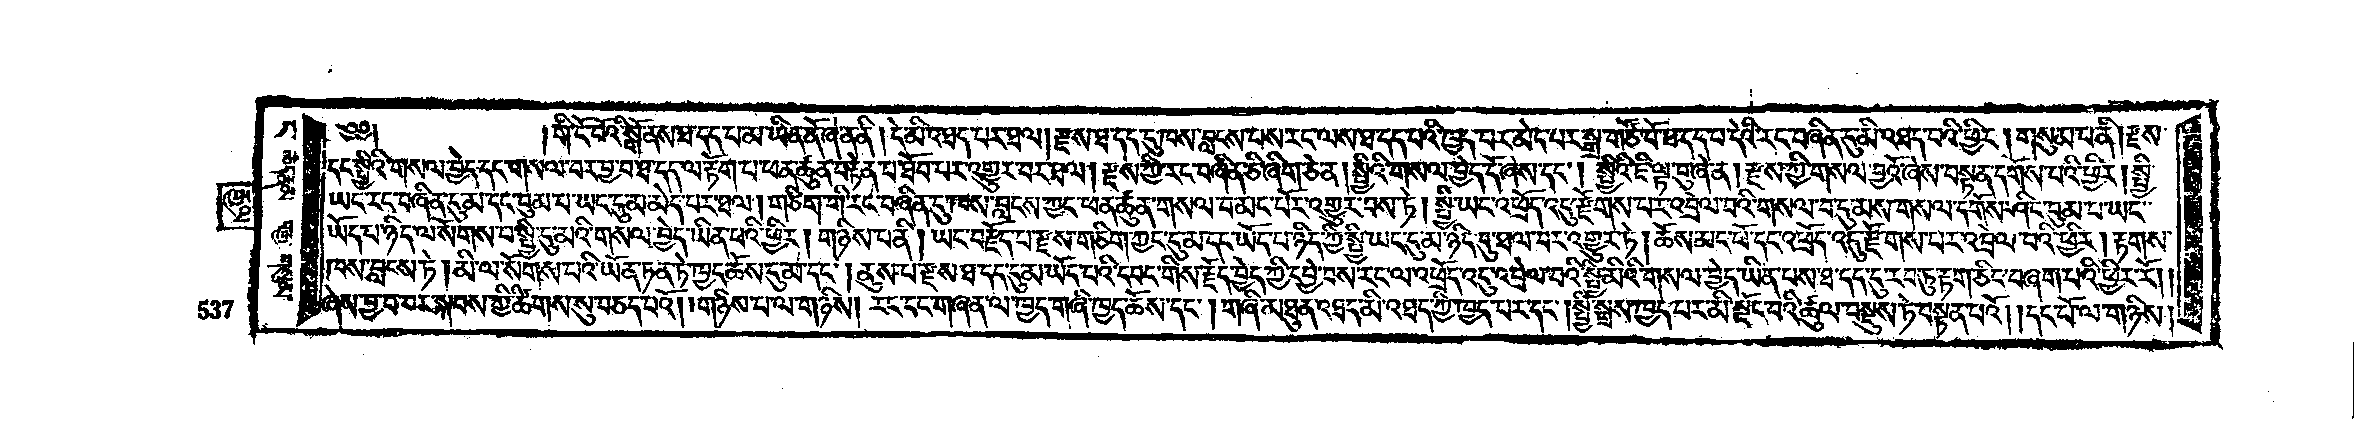༄༅། །གི་ངོ་བོའི་སྒོ་ནས་ཐ་དད་པ་མ་ཡིན་ནོ་ཞེ་ན་ནི། དེ་མི་འཐད་པར་ཐལ། རྫས་ཐ་དད་དུ་ཁས་བླངས་པས་རང་ལས་ཐ་དད་པའི་ཁྱད་པར་མེད་པར་སྒྲ་གཙོ་བོ་ཐ་དད་པ་དེའི་རང་བཞིན་དུ་མི་འཐད་པའི་ཕྱིར། གསུམ་པ་ནི། རྫས་
དང་སྤྱིའི་གསལ་བྱེད་དང་གསལ་བར་བྱ་བ་ཐ་དད་ལ་རྟོག་པ་ཕན་ཚུན་བརྟེན་པ་ཐོབ་པར་འགྱུར་བར་ཐལ། རྫས་ཀྱི་རང་བཞིན་ཅི་ཞིག་ཅེ་ན། སྤྱིའི་གསལ་བྱེད་དོ་ཞེས་དང་། སྤྱིའི་ཇི་ལྟ་བུ་ཞེ་ན། རྫས་ཀྱི་གསལ་བྱའོ་ཞེས་བསྟན་དགོས་པའི་ཕྱིར། སྤྱི་
ཡང་རང་བཞིན་དུ་མ་དང་བུམ་པ་ཡང་དུ་མ་མེད་པར་ཐལ། གཅིག་གི་རང་བཞིན་དུ་ཁས་བླངས་ཀྱང་ཕན་ཚུན་གསལ་བ་མང་པོར་འགྱུར་བས་ཏེ། སྤྱི་ཡང་འཕྲོད་འདུ་རྫོགས་པར་འབྲེལ་པའི་གསལ་བ་དུ་མས་གསལ་དགོས་ཤིང་བུམ་པ་ཡང་
ཡོད་པ་ཉིད་ལ་སོགས་པ་སྤྱི་དུ་མའི་གསལ་བྱེད་ཡིན་པའི་ཕྱིར། གཉིས་པ་ནི། ཡང་བརྗོད་པ་རྫས་གཅིག་ཀྱང་དུ་མ་དང་ཡོད་པ་ཉིད་ཀྱི་སྤྱི་ཡང་དུ་མ་ཉིད་དུ་ཐལ་བར་འགྱུར་ཏེ། ཆོས་མང་པོ་དང་འཕྲོད་འདུ་རྫོགས་པར་འབྲེལ་པའི་ཕྱིར། རྟགས་
ཁས་བླངས་ཏེ། མི་ལ་སོགས་པའི་ཡོན་ཏན་ཏེ་ཁྱད་ཆོས་དུ་མ་དང་། ནུས་པ་རྫས་ཐ་དད་དུ་མ་ཡོད་པའི་དབང་གིས་རྗོད་བྱེད་ཀྱི་དབྱེ་བས་རང་ལ་འཕྲོད་འདུ་འབྲེལ་བའི་སྤྱི་མིའི་གསལ་བྱེད་ཡིན་པས་ཐ་དད་དུ་རབ་ཏུ་རྟག་ཅིང་བཞག་པའི་ཕྱིར་རོ། །
ཞེས་བྱ་བ་བར་སྐབས་ཀྱི་ཚིགས་སུ་བཅད་པའོ། །གཉིས་པ་ལ་གཉིས། རང་དང་གཞན་ལ་ཁྱད་གཞི་ཁྱད་ཆོས་དང་། གཞི་མཐུན་འཐད་མི་འཐད་ཀྱི་ཁྱད་པར་དང་། སྤྱི་སྒྲས་ཁྱད་པར་མི་སྔོང?་བའི་ཚུལ་བསྡུས་ཏེ་བསྟན་པའོ། །དང་པོ་ལ་གཉིས།